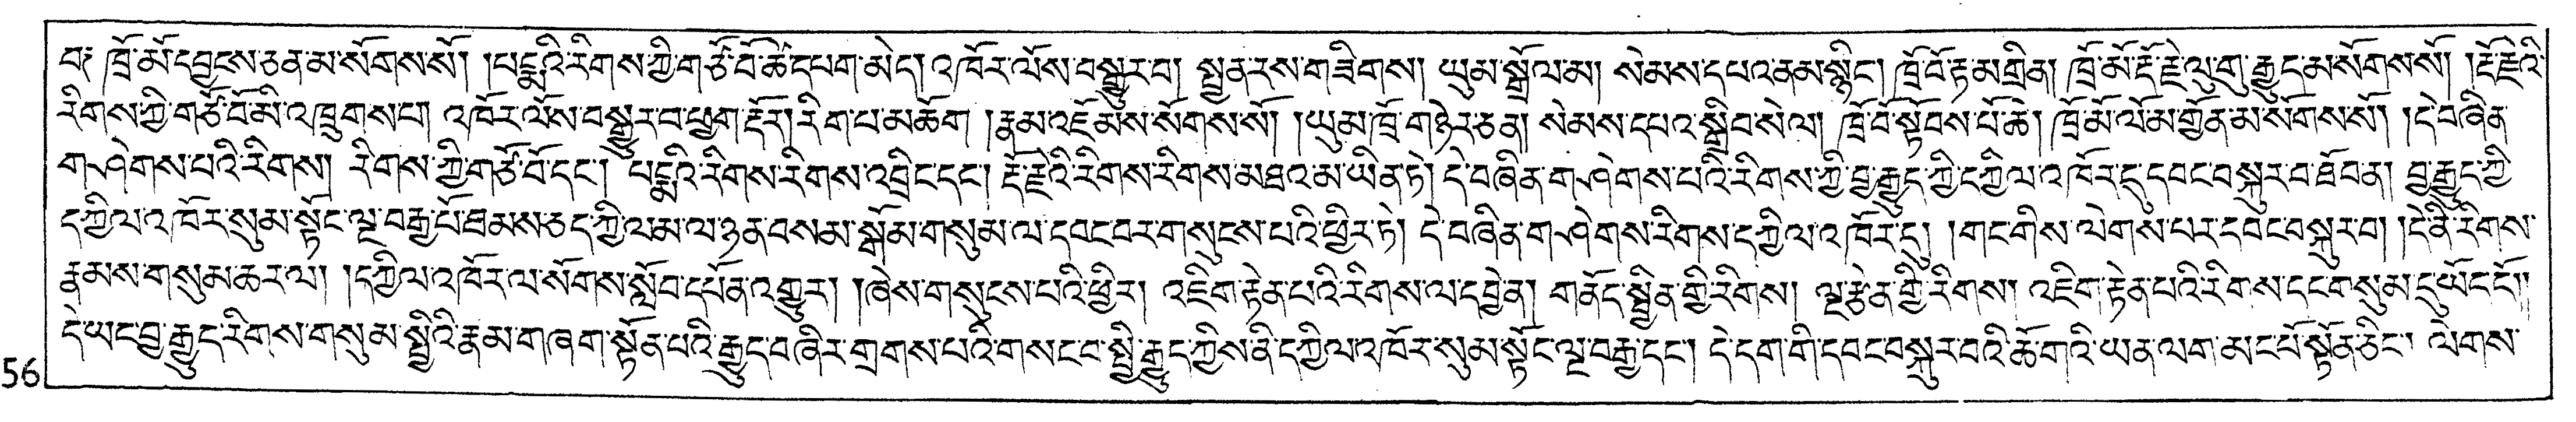བ། ཁྲོ་མོ་དབྱངས་ཅན་མ་སོགས་སོ། །པདམའི་རིགས་ཀྱི་གཙོ་བོ་ཚེ་དཔག་མེད། འཁོར་ལོས་བསྒྱུར་བ། སྤྱན་རས་གཟིགས། ཡུམ་སྒྲོལ་མ། སེམས་དཔའ་ནམ་སྙིང་། ཁྲོ་བོ་རྟ་མགྲིན། ཁྲོ་མོ་རྡོ་རྗེ་ལུ་གུ་རྒྱུད་མ་སོགས་སོ། །རྡོ་རྗེའི་
རིགས་ཀྱི་གཙོ་བོ་མི་འཁྲུགས་པ། འཁོར་ལོས་བསྒྱུར་བ་ཕྱག་རྡོར། རིག་པ་མཆོག །རྣམ་འཇོམས་སོགས་སོ། །ཡུམ་ཁྲོ་གཉེར་ཅན། སེམས་དཔའ་སྒྲིབ་སེལ། ཁྲོ་བོ་སྟོབས་པོ་ཆེ། ཁྲོ་མོ་ལོ་མ་གྱོན་མ་སོགས་སོ། །དེ་བཞིན་
གཤེགས་པའི་རིགས། རིགས་ཀྱི་གཙོ་བོ་དང་། པདམའི་རིགས་རིགས་འབྲིང་དང་། རྡོ་རྗེའི་རིགས་རིགས་མཐའ་མ་ཡིན་ཏེ། དེ་བཞིན་གཤེགས་པའི་རིགས་ཀྱི་བྱ་རྒྱུད་ཀྱི་དཀྱིལ་འཁོར་དུ་དབང་བསྐུར་བ་ཐོབ་ན། བྱ་རྒྱུད་ཀྱི་
དཀྱིལ་འཁོར་སུམ་སྟོང་ལྔ་བརྒྱ་པོ་ཐམས་ཅད་ཀྱི་ལམ་ལ་ཉན་བསམ་སྒོམ་གསུམ་ལ་དབང་བར་གསུངས་པའི་ཕྱིར་ཏེ། དེ་བཞིན་གཤེགས་རིགས་དཀྱིལ་འཁོར་དུ། །གང་གིས་ལེགས་པར་དབང་བསྐུར་བ། །དེ་ནི་རིགས་
རྣམས་གསུམ་ཆར་ལ། །དཀྱིལ་འཁོར་ལ་སོགས་སློབ་དཔོན་འགྱུར། །ཞེས་གསུངས་པའི་ཕྱིར། འཇིག་རྟེན་པའི་རིགས་ལ་དབྱེ་ན། གནོད་སྦྱིན་གྱི་རིགས། ལྔ་རྩེན་གྱི་རིགས། འཇིག་རྟེན་པའི་རིགས་དང་གསུམ་དུ་ཡོད་དོ། །
དེ་ཡང་བྱ་རྒྱུད་རིགས་གསུམ་སྤྱིའི་རྣམ་གཞག་སྟོན་པའི་རྒྱུད་བཞིར་གྲགས་པའི་གསང་བ་སྤྱི་རྒྱུད་ཀྱིས་ནི་དཀྱིལ་འཁོར་སུམ་སྟོང་ལྔ་བརྒྱ་དང་། དེ་དག་གི་དབང་བསྐུར་བའི་ཆོ་གའི་ཡན་ལག་མང་པོ་སྟོན་ཅིང་། ལེགས་